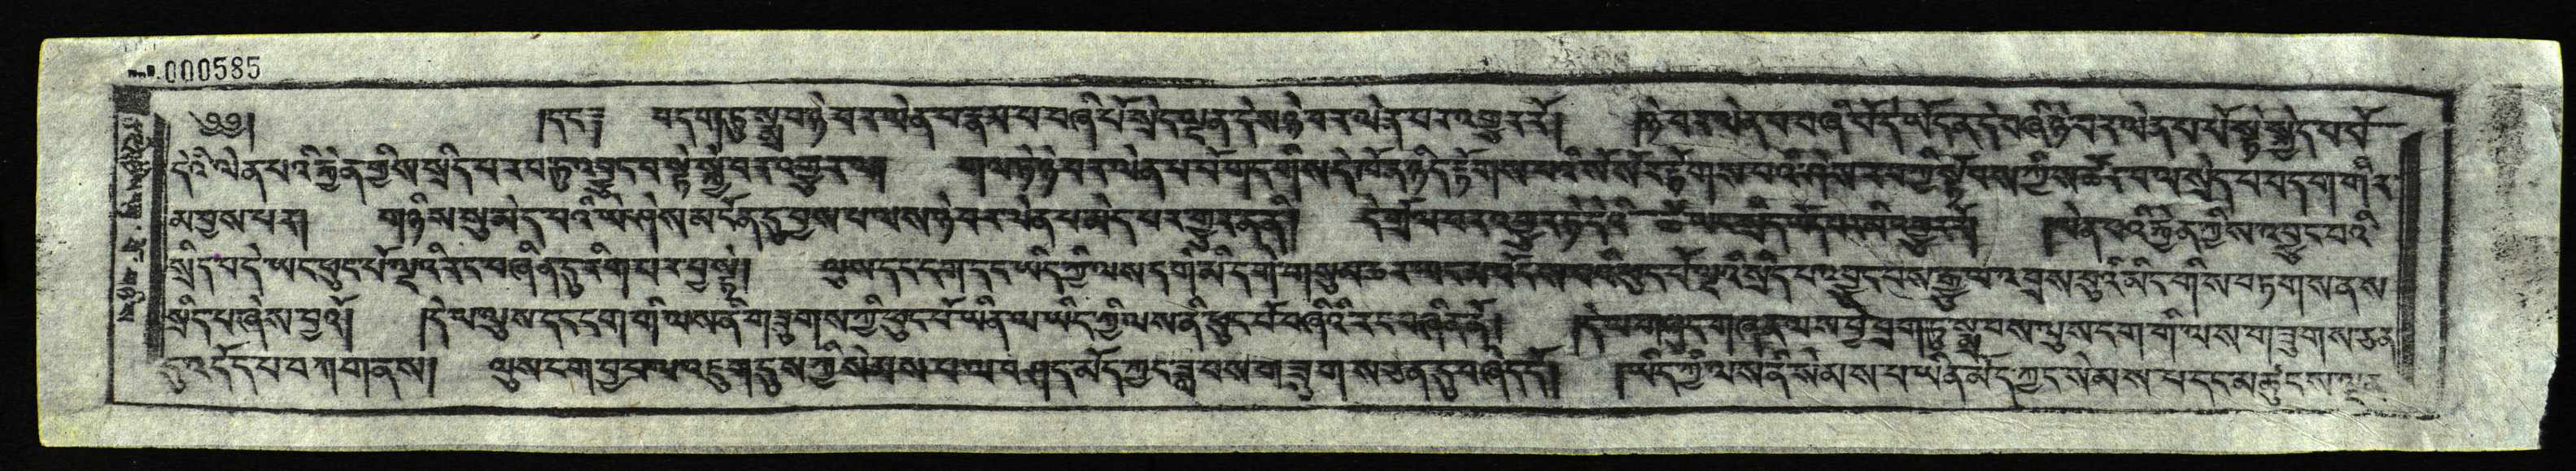༄༅། །དང༑ བདག་ཏུ་སྨྲ་བ་ཉེ་བར་ལེན་པ་རྣམ་པ་བཞི་པོ་སྲེད་ལྡན་དེས་ཉེ་བར་ལེན་པར་འགྱུར་རོ། །ཉེ་བར་ལེན་པ་བཞི་པོ་དེ་ཡོད་ན་དེ་བཞི་ཉེ་བར་ལེན་པ་པོ་སྟེ་སྐྱེད་པ་པོ་
དེའི་ལེན་པའི་རྐྱེན་གྱིས་སྲིད་པ་རབ་ཏུ་འབྱུང་བ་སྟེ་སྐྱེ་བར་འགྱུར་ལ། གལ་ཏེ་ཉེ་བར་ལེན་པ་པོ་གང་གིས་དེ་ཁོ་ན་ཉིད་རྟོགས་པའི་སོ་སོར་རྟོགས་པའི་ཤེས་རབ་ཀྱི་སྟོབས་ཀྱིས་ཚོར་བ་ལ་སྲེད་པ་བདག་གིར་
མ་བྱས་པར། གཉིས་སུ་མེད་པའི་ཡེ་ཤེས་མངོན་དུ་བྱས་པ་ལས་ཉེ་བར་ལེན་པ་མེད་པར་གྱུར་ན་ནི། དེ་གྲོལ་བར་གྱུར་ཏེ་དེའི་ཚེ་ཡང་སྲིད་ཡོད་པར་མི་འགྱུར་རོ། །ལེན་པའི་རྐྱེན་གྱིས་འབྱུང་བའི་
སྲིད་པ་དེ་ཡང་ཕུང་པོ་ལྔའི་རང་བཞིན་དུ་རིག་པར་བྱ་སྟེ། ལུས་དང་ངག་དང་ཡིད་ཀྱི་ལས་དགེ་མི་དགེ་གསུམ་ཆར་ཡང་མ་འོངས་པའི་ཕུང་པོ་ལྔའི་སྲིད་པ་འབྱུང་བས་རྒྱུ་ལ་འབྲས་བུའི་མིང་གིས་བཏགས་ནས་
སྲིད་པ་ཞེས་བྱའོ། །དེ་ལ་ལུས་དང་ངག་གི་ལས་ནི་གཟུགས་ཀྱི་ཕུང་པོ་ཡིན་ལ་ཡིད་ཀྱི་ལས་ནི་ཕུང་པོ་བཞིའི་རང་བཞིན་ནོ། །དེ་ལ་གཞུང་གཞན་ལས་བྱེ་བྲག་ཏུ་སྨྲ་བས་ལུས་ངག་གི་ལས་གཟུགས་ཅན་
དུ་འདོད་པ་བཀག་ནས། ལུས་ངག་བྱ་བ་ལ་འཇུག་དུས་ཀྱི་སེམས་པ་ལ་བཤད་མོད་ཀྱང་ཟླ་པས་གཟུགས་ཅན་དུ་བཞེད་དོ། །ཡིད་ཀྱི་ལས་ནི་སེམས་པ་ཡིན་མོད་ཀྱང་སེམས་པ་དང་མཚུངས་ལྡན་